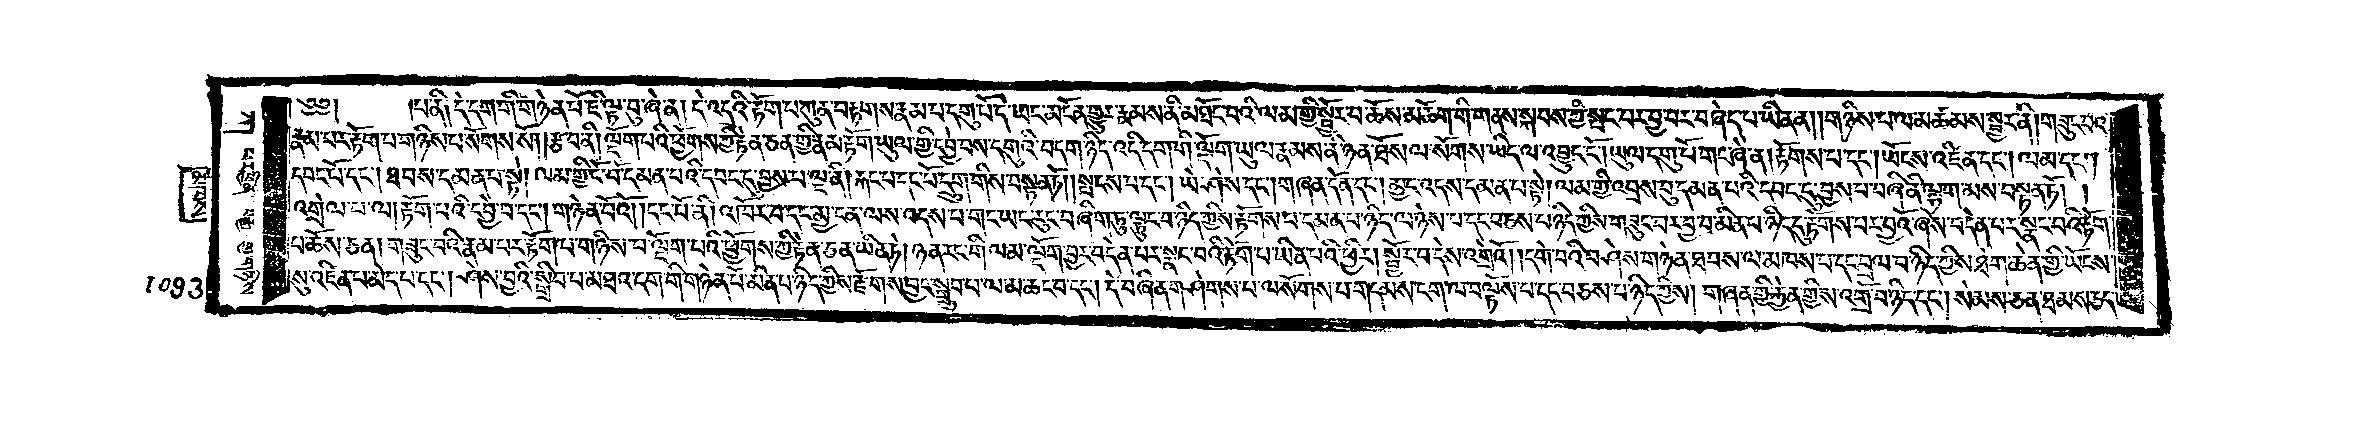༄༅། །པ་ནི། དེ་དག་གི་གཉེན་པོ་ཇི་ལྟ་བུ་ཞེ་ན། དེ་འདྲའི་རྟོག་པ་ཀུན་བརྟགས་རྣམ་པ་དགུ་པོ་དེ་ཡང་མངོན་གྱུར་རྣམས་ནི་མཐོང་བའི་ལམ་གྱི་སྦྱོར་བ་ཆོས་མཆོག་གི་གནས་སྐབས་ཀྱི་སྤང་བར་བྱ་བར་བཞེད་པ་ཡིན་ན། །གཉིས་པ་ལ་མཚམས་སྦྱར་ནི། གཟུང་བར་
རྣམ་པར་རྟོག་པ་གཉིས་པ་སོགས་སོ། །རྩ་བ་ནི། ལྡོག་པའི་ཕྱོགས་ཀྱི་རྟེན་ཅན་གྱི་རྣམ་རྟོག་ཡུལ་གྱི་དབྱེ་བས་དགུའི་བདག་ཉིད་འདི་དག་གི་ལྡོག་ཡུལ་རྣམས་ནི་ཉན་ཐོས་ལ་སོགས་ཡིད་ལ་འབྱུང་ངོ། ཡུལ་དགུ་པོ་གང་ཞེ་ན། རྟོགས་པ་དང་། ཡོངས་འཛིན་དང་། ལམ་དང་།
དབང་པོ་དང་། ཐབས་དམན་པ་སྟེ། ལམ་གྱི་ངོ་བོ་དམན་པའི་དབང་དུ་བྱས་པ་ལྔ་ནི། རྐང་པ་དང་པོ་དྲུག་གིས་བསྟན་ཏོ། །སྤངས་པ་དང་། ཡེ་ཤེས་དང་། གཞན་དོན་དང་། མྱང་འདས་དམན་པ་སྟེ། ལམ་གྱི་འབྲས་བུ་དམན་པའི་དབང་དུ་བྱས་པ་བཞི་ནི་ལྷག་མས་བསྟན་ཏོ། །
འགྲེལ་པ་ལ། རྟོག་པའི་དབྱེ་བ་དང་། གཉེན་པོའོ། །དང་པོ་ནི། འཁོར་བ་དང་མྱ་ངན་ལས་འདས་པ་གང་ཡང་རུང་བ་ཞིག་ཏུ་ལྟུང་བ་ཉིད་ཀྱིས་རྟོགས་པ་དམན་པ་ཉིད་ལ་ཉེས་པ་དང་བཅས་པ་ཉིད་ཀྱིས་གཟུང་བར་བྱ་བ་མིན་པ་ཉིད་དུ་རྟོགས་པར་བྱའོ་ཞེས་བདེན་པར་སྣང་བའི་རྟོག་
པ་ཆོས་ཅན། གཟུང་བའི་རྣམ་པར་རྟོག་པ་གཉིས་པ་ལྡོག་པའི་ཕྱོགས་ཀྱི་རྟེན་ཅན་ཡིན་ཏེ། ཉན་རང་གི་ལམ་ལྡོག་བྱར་བདེན་པར་སྣང་བའི་རྟོག་པ་ཡིན་པའི་ཕྱིར། སྦྱོར་བ་དེས་འགྲེའོ། །དགེ་བའི་བཤེས་གཉེན་ཐབས་ལ་མཁས་པ་དང་བྲལ་བ་ཉིད་ཀྱིས་ཐེག་ཆེན་གྱི་ཡོངས་
སུ་འཛིན་པ་མེད་པ་དང་། ཤེས་བྱའི་སྒྲིབ་པ་མཐའ་དག་གི་གཉེན་པོ་མིན་པ་ཉིད་ཀྱིས་རྫོགས་བྱང་སྒྲུབ་པ་ལ་མ་ཆང་བ་དང་། དེ་བཞིན་གཤེགས་པ་ལ་སོགས་པ་གདམས་ངག་ལ་བལྟོས་པ་དང་བཅས་པ་ཉིད་ཀྱིས། གཞན་གྱི་རྐྱེན་གྱིས་འགྲོ་བ་ཉིད་དང་། སེམས་ཅན་ཐམས་ཅད་